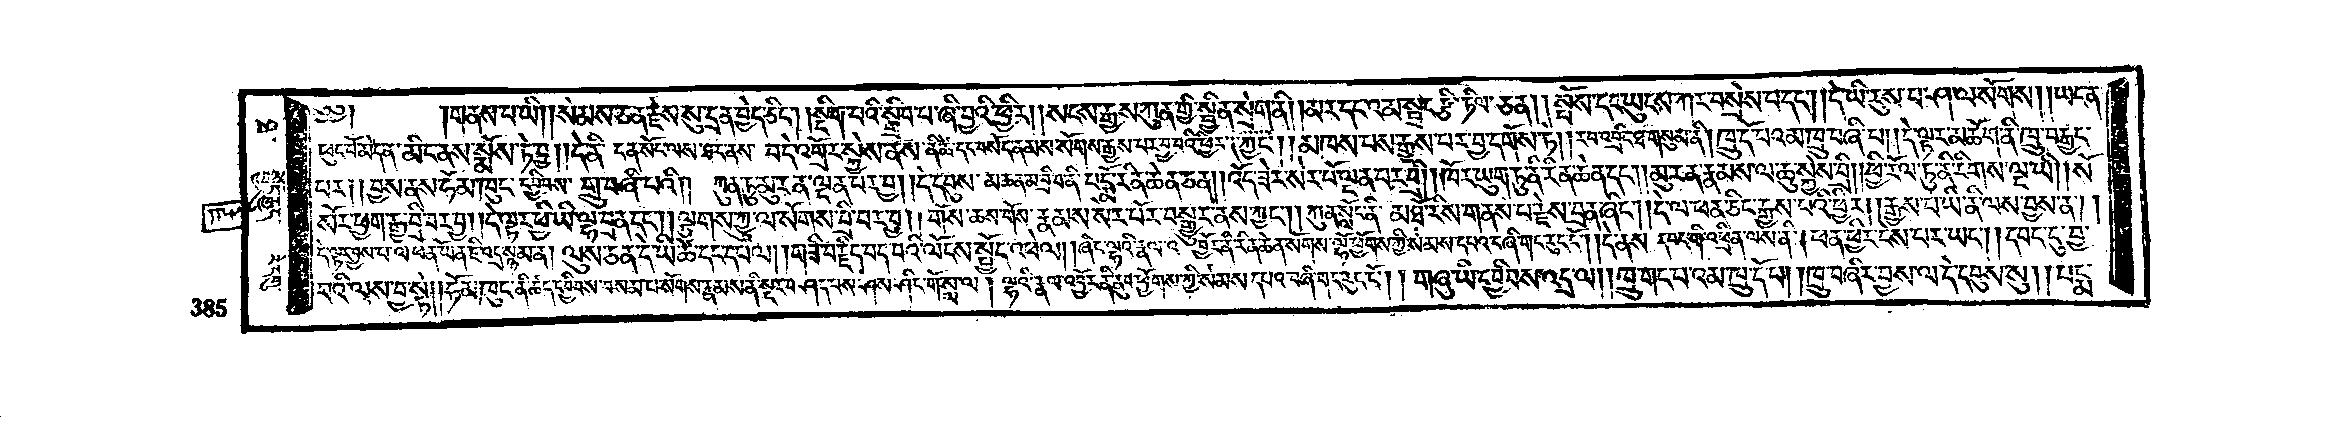༄༅། །གནས་པ་ཡི། །སེམས་ཅན་རྗེས་སུ་དྲན་བྱེད་ཅིང་། །སྡིག་པའི་སྒྲིབ་པ་ཞི་བྱའི་ཕྱིར། །སངས་རྒྱས་ཀུན་གྱི་སྦྱིན་སྲེག་ནི། །མར་དང་འོ་མ་སྦྲང་རྩི་ཏིལ་ཅན། །སྤོས་དང་ཡུངས་ཀར་བསྲེས་པ་དང་། །དེ་ཡི་རུས་པ་ཤ་ལ་སོགས། །ཡང་ན་
ཕུང་པོ་མེད་ན་མིང་ནས་སྨོས་ཏེ་བྱ། །དེ་ནི་ངན་སོང་ལས་ཐར་ནས་བདེ་འགོར་སྐྱེས་ནས་ནི་ཚེ་དང་བསོད་ནམས་སོགས་རྒྱས་པར་བྱ་བའི་ཕྱིར་ཀྱང་། །མཁས་པས་རྒྱས་པར་བྱ་དགོས་ཏེ། ། རབ་འབྲིང་ཐ་གསུམ་ནི།  ཁྲུ་དོ་པའམ་ཁྲུ་བཞི་པ། །དེ་ལྟར་མཆོག་ནི་ཁྲུ་བརྒྱད་
པར། །བྱས་ནས་ཧོམ་ཁུང་དབྱིབས་གྲུ་བཞི་པའི། །ཀུན་ཏུ་མུར་ན་ལྡན་པར་བྱ། །དེ་དབུས་མཚན་མ་བྲི་བ་ནི་པདམོ་རིན་ཆེན་ཅན། །འོད་ཟེར་སེར་པོ་ལྡན་པར་བྲི། །ཁོར་ཡུག་ཏུ་ནི་རིན་ཆེན་དང་། །མུ་རན་རྣམས་ལ་ཆུ་སྐྱེས་བྲི། །ཕྱི་རོལ་ཏུ་ནི་རིགས་ལྔ་ཡི། །སོ་
སོར་ཕྱག་རྒྱ་བྲི་བར་བྱ། །དེ་ལྟར་ཕྱི་ཡི་ལྷ་བྲན་དང་། །ལྕགས་ཀྱུ་ལ་སོགས་བྲི་བར་བྱ། །གོས་ཆས་གོས་རྣམས་སེར་པོར་བསྒྱུར་ནས་ཀྱང་། ། ཀུན་སློང་ནི་མཐོ་རིས་གནས་པ་རྗེས་བྲན་ཞིང་། །དེ་ལ་ཕན་ཅིང་རྒྱས་པའི་ཕྱིར། །རྒྱས་པ་ཡི་ནི་ལས་བྱས་ན། །
དེ་ལྟར་བྱས་པ་ལ་ཕན་ཡོན་ཇི་འདྲ་སྙམ་ན།  ལུས་ཅན་དེ་ཡི་ཚེ་དང་དཔལ། །གཟི་བརྗིད་བད་བའི་ལོངས་སྤྱོད་འཕེལ། ། ཞིང་ལྷའི་རྣལ་འབྱོར་ནི་རིན་ཆེན་སོགས་ལྷོ་ཕྱོགས་ཀྱི་སེམས་དཔའ་བཞི་གང་རུང་ངོ།  །དེ་ནས་དབང་གི་འཕྲིན་ལས་ནི།  ཕན་ཕྱིར་ངེས་པར་ཡང་། །དབང་དུ་བྱ་
བའི་ལས་བྱ་སྟེ། །ཧོམ་ཁུང་ནི་ཚད་དབྱིབས་བསམ་པ་སོགས་རྣམས་ནི་སྔར་བཤད་པས་ཤེས་ཤིང་གོ་སླ་ལ། །ལྷའི་རྣལ་འབྱོར་ནི་ནུབ་ཕྱོགས་ཀྱི་སེམས་དཔའ་བཞི་གང་རུང་ངོ།  །གཞུ་ཡི་དབྱིབས་འདྲ་ལ། །ཁྲུ་གང་པའམ་ཁྲུ་དོ་པ། །ཁྲུ་བཞིར་བྱས་ལ་དེ་དབུས་སུ། །པདམ་